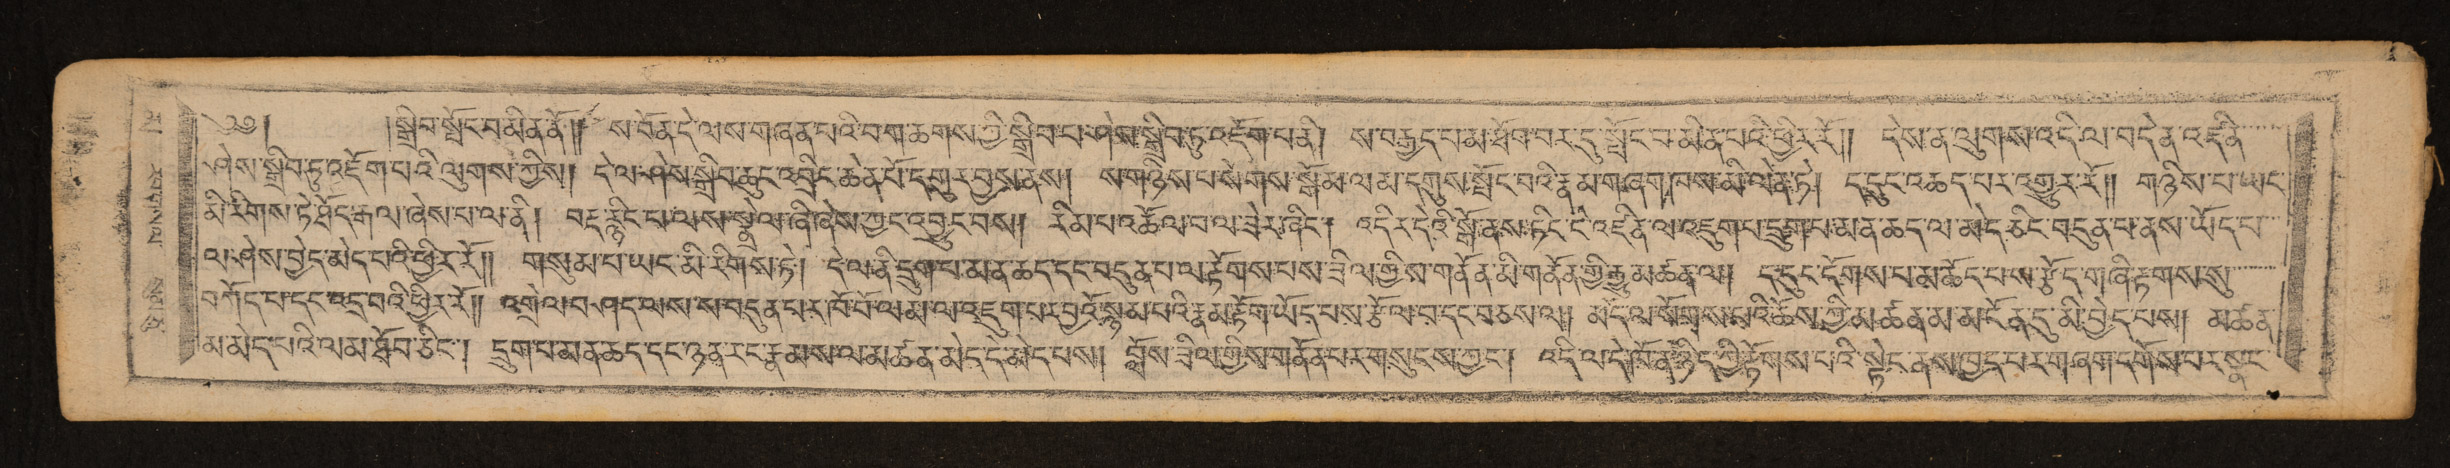༄༅། །སྒྲིབ་སྤོང་བ་མིན་ནོ།། ས་བོན་དེ་ལས་གཞན་པའི་བག་ཆགས་ཀྱི་སྒྲིབ་པ་ཤེས་སྒྲིབ་ཏུ་འཇོག་པ་ནི། ས་བརྒྱད་པ་མ་ཐོབ་བར་དུ་སྤོང་བ་མིན་པའི་ཕྱིར་རོ།། དེས་ན་ལུགས་འདི་ལ་བདེན་འཛིན་
ཤེས་སྒྲིབ་ཏུ་འཇོག་པའི་ལུགས་ཀྱིས། དེ་ལ་ཤེས་སྒྲིབ་ཆུང་འབྲིང་ཆེན་པོ་དགུར་བྱས་ནས། ས་གཉིས་པ་སོགས་སྒོམ་ལམ་དགུས་སྤོང་བའི་རྣམ་གཞག་ཁས་མི་ལེན་ཏེ། ད་དུང་འཆད་པར་འགྱུར་རོ།། གཉིས་པ་ཡང་
མི་རིགས་ཏེ་ཐོད་རྒལ་ཞེས་པ་ལ་ནི། བརྡ་རྙིང་བ་ལས་སྣྲེལ་ཞི་ཞེས་ཀྱང་འབྱུང་བས། རིམ་པ་འཆོལ་བ་ལ་ཟེར་ཞིང་། འདིར་དེའི་སྒོ་ནས་ཏིང་ངེ་འཛིན་ལ་འཇུག་པ་དྲུག་པ་མན་ཆད་ལ་མེད་ཅིང་བདུན་པ་ནས་ཡོད་པ་
ལ་ཤེས་བྱེད་མེད་པའི་ཕྱིར་རོ།། གསུམ་པ་ཡང་མི་རིགས་ཏེ། དེ་ལ་ནི་དྲུག་པ་མན་ཆད་དང་བདུན་པ་ལ་རྟོགས་པས་ཟིལ་གྱིས་གནོན་མི་གནོན་གྱི་རྒྱུ་མཚན་ལ། ད་དུང་དོགས་པ་མ་ཆོད་པས་རྩོད་གཞི་རྟགས་སུ་
བཀོད་པ་དང་འདྲ་བའི་ཕྱིར་རོ།། འགྲེལ་བཤད་ལས་ས་བདུན་པར་ཁོ་བོ་ལམ་ལ་འཇུག་པར་བྱའོ་སྙམ་པའི་རྣམ་རྟོག་ཡོད་པས་རྩོལ་བ་དང་བཅས་ལ། མདོ་ལ་སོགས་པའི་ཆོས་ཀྱི་མཚན་མ་མངོན་དུ་མི་བྱེད་པས། མཚན་
མ་མེད་པའི་ལམ་ཐོབ་ཅིང་། དྲུག་པ་མན་ཆད་དང་ཉན་རང་རྣམས་ལ་མཚན་མེད་དེ་མེད་པས། བློས་ཟིལ་གྱིས་གནོན་པར་གསུངས་ཀྱང་། འདི་ལ་དེ་ཁོ་ན་ཉིད་ཀྱི་རྟོགས་པའི་སྟེང་ནས་ཁྱད་པར་གཞག་དགོས་པར་སྣང་